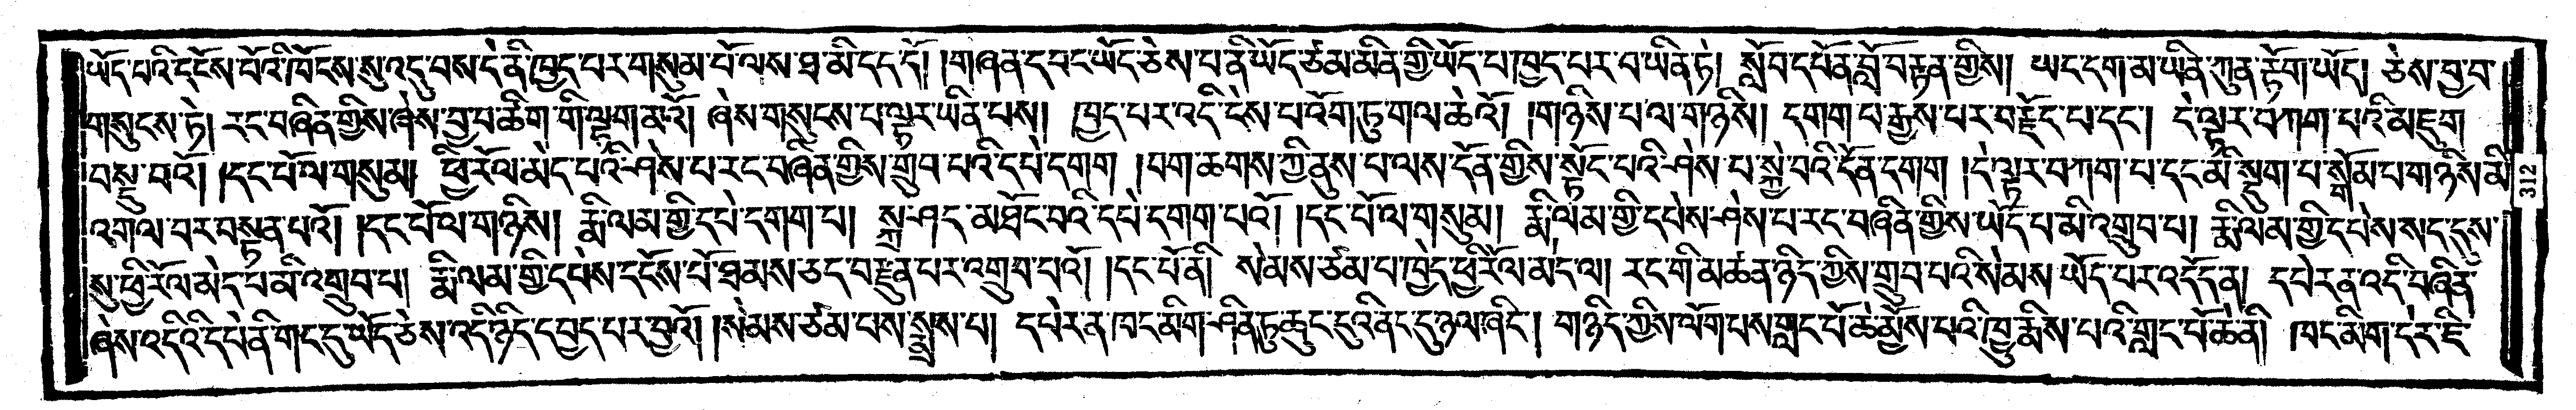ཡོད་པའི་དངོས་པོའི་ཁོངས་སུ་འདུ་བས་དེ་ནི་ཁྱད་པར་གསུམ་པོ་ལས་ཐ་མི་དད་དོ། །གཞན་དབང་ཡོད་ཅེས་པ་ནི་ཡོད་ཙམ་མིན་གྱི་ཡོད་པ་ཁྱད་པར་བ་ཡིན་ཏེ། སློབ་དཔོན་བློ་བརྟན་གྱིས། ཡང་དག་མ་ཡིན་ཀུན་རྟོག་ཡོད། ཅེས་བྱ་བ་
གསུངས་ཏེ། རང་བཞིན་གྱིས་ཞེས་བྱ་བ་ཚིག་གི་ལྷག་མའོ། ཞེས་གསུངས་པ་ལྟར་ཡིན་པས། ཁྱད་པར་འདི་ངེས་པ་འོག་ཏུ་གལ་ཆེའོ། །གཉིས་པ་ལ་གཉིས། དགག་པ་རྒྱས་པར་བརྗོད་པ་དང་། དེ་ལྟར་བཀག་པའི་མཇུག་
བསྡུ་བའོ། །དང་པོ་ལ་གསུམ། ཕྱི་རོལ་མེད་པའི་ཤེས་པ་རང་བཞིན་གྱིས་གྲུབ་པའི་དཔེ་དགག །བག་ཆགས་ཀྱི་ནུས་པ་ལས་དོན་གྱིས་སྟོང་པའི་ཤེས་པ་སྐྱེ་བའི་དོན་དགག །དེ་ལྟར་བཀག་པ་དང་མི་སྡུག་པ་སྒོམ་པ་གཉིས་མི་
འགལ་བར་བསྟན་པའོ། །དང་པོ་ལ་གཉིས། རྨི་ལམ་གྱི་དཔེ་དགག་པ། སྐྲ་ཤད་མཐོང་བའི་དཔེ་དགག་པའོ། །དང་པོ་ལ་གསུམ། རྨི་ལམ་གྱི་དཔེས་ཤེས་པ་རང་བཞིན་གྱིས་ཡོད་པ་མི་འགྲུབ་པ། རྨི་ལམ་གྱི་དཔེས་སད་དུས་
སུ་ཕྱི་རོལ་མེད་པ་མི་འགྲུབ་པ། རྨི་ལམ་གྱི་དཔེས་དངོས་པོ་ཐམས་ཅད་བརྫུན་པར་འགྲུབ་པའོ། །དང་པོ་ནི། སེམས་ཙམ་པ་ཁྱེད་ཕྱི་རོལ་མེད་ལ། རང་གི་མཚན་ཉིད་ཀྱིས་གྲུབ་པའི་སེམས་ཡོད་པར་འདོད་ན། དཔེར་ན་འདི་བཞིན་
ཞེས་འདིའི་དཔེ་ནི་གང་དུ་ཡོད་ཅེས་འདི་ཉིད་དཔྱད་པར་བྱའོ། །སེམས་ཙམ་པས་སྨྲས་པ། དཔེར་ན་ཁང་མིག་ཤིན་ཏུ་ཆུང་ངུའི་ནང་དུ་ཉལ་ཞིང་། གཉིད་ཀྱིས་ལོག་པས་གླང་པོ་ཆེ་མྱོས་པའི་ཁྱུ་རྨིས་པའི་གླང་པོ་ཆེ་ནི། ཁང་མིག་དེར་ཇི་